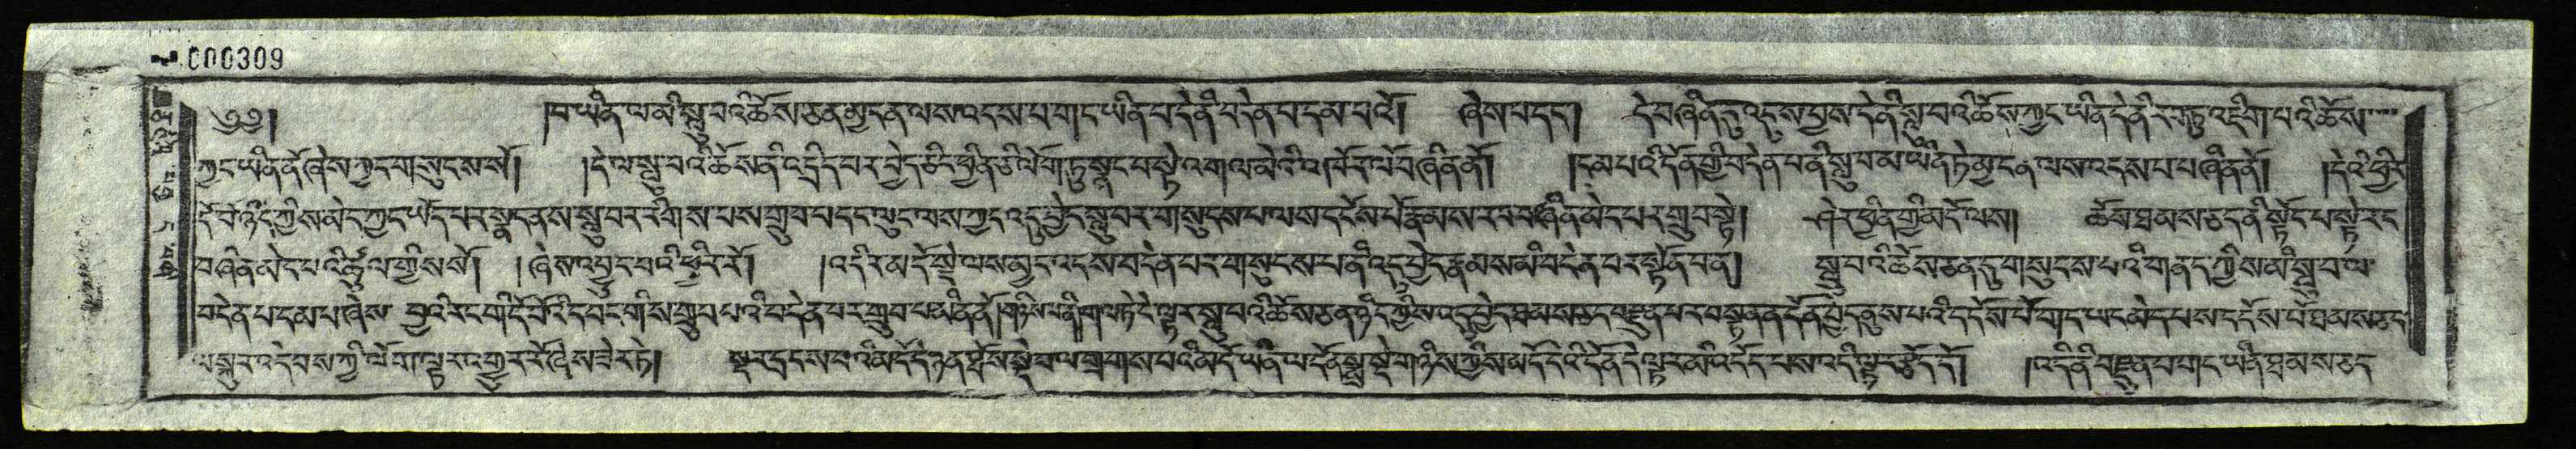༄༅། །བ་ཡིན་ལ་མི་སླུ་བའི་ཆོས་ཅན་མྱ་ངན་ལས་འདས་པ་གང་ཡིན་པ་དེ་ནི་བདེན་པ་དམ་པའོ། ཞེས་པ་དང་། དེ་བཞིན་དུ་འདུས་བྱས་དེ་ནི་སླུ་བའི་ཆོས་ཀྱང་ཡིན་དེ་ནི་རབ་ཏུ་འཇིག་པའི་ཆོས་
ཀྱང་ཡིན་ནོ་ཞེས་ཀྱང་གསུངས་སོ། །དེ་ལ་སླུ་བའི་ཆོས་ནི་འདྲིད་པར་བྱེད་ཅིང་ཕྱིན་ཅི་ལོག་ཏུ་སྣང་བ་སྟེ་འགལ་མེའི་འཁོར་ལོ་བཞིན་ནོ། །དམ་པའི་དོན་གྱི་བདེན་པ་ནི་སླུ་བ་མ་ཡིན་ཏེ་མྱ་ངན་ལས་འདས་པ་བཞིན་ནོ། །དེའི་ཕྱིར་
ངོ་བོ་ཉིད་ཀྱིས་མེད་ཀྱང་ཡོད་པར་སྣང་ནས་སླུ་བར་རིགས་པས་གྲུབ་པ་དང་ལུང་ལས་ཀྱང་འདུ་བྱེད་སླུ་བར་གསུངས་པ་ལས་དངོས་པོ་རྣམས་རང་བཞིན་མེད་པར་གྲུབ་སྟེ། ཤེར་ཕྱིན་གྱི་མདོ་ལས། ཆོས་ཐམས་ཅད་ནི་སྟོང་པ་སྟེ་རང་
བཞིན་མེད་པའི་ཚུལ་གྱིས་སོ། །ཞེས་འབྱུང་བའི་ཕྱིར་རོ། །འདིར་མདོ་སྡེ་ལས་མྱང་འདས་བདེན་པར་གསུངས་པ་ནི་འདུ་བྱེད་རྣམས་མི་བདེན་པར་སྟོན་པ་ན། སླུ་བའི་ཆོས་ཅན་དུ་གསུངས་པའི་གནད་ཀྱིས་མི་སླུ་བ་ལ་
བདེན་པ་དམ་པ་ཞེས་བྱའི་རང་གི་ངོ་བོའི་དབང་གིས་གྲུབ་པའི་བདེན་པར་གྲུབ་པ་མིན་ནོ། །གཉིས་པ་ནི། གལ་ཏེ་དེ་ལྟར་སླུ་བའི་ཆོས་ཅན་ཉིད་ཀྱིས་འདུ་བྱེད་ཐམས་ཅད་བརྫུན་པར་བསྟན་ན་དོན་བྱེད་ནུས་པའི་དངོས་པོ་གང་ཡང་མེད་པས་དངོས་པོ་ཐམས་ཅད་
ལ་སྐུར་འདེབས་ཀྱི་ལོག་ལྟར་འགྱུར་རོ་ཞེས་ཟེར་ཏེ། སྔར་དྲངས་བའི་མདོ་དེ་ཉན་ཐོས་སྡེ་བ་ལ་གྲགས་པའི་མདོ་ཡིན་ལ་དོན་སྨྲ་སྡེ་གཉིས་ཀྱིས་མདོ་དེའི་དོན་དེ་ལྟར་མི་འདོད་པས་འདི་ལྟར་རྩོད་དོ། །འདི་ནི་བརྫུན་པ་གང་ཡིན་ཐམས་ཅད་